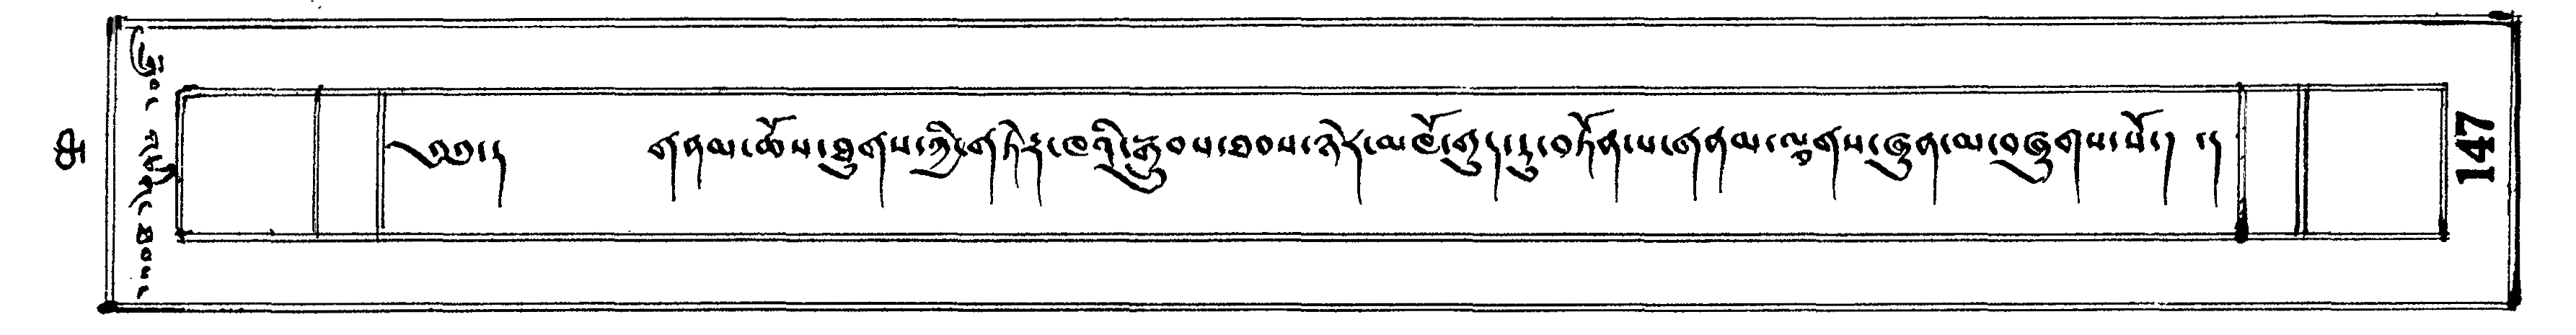༄༅། གནམ་ཆོས་ཐུགས་ཀྱི་གཏེར་ཁའི་སྒྲུབས་ཐབས་ཉེར་མཁོ་གུད་དུ་བཏོན་པ་གནམ་ལྕགས་ཞུན་མ་བཞུགས་སོ།།